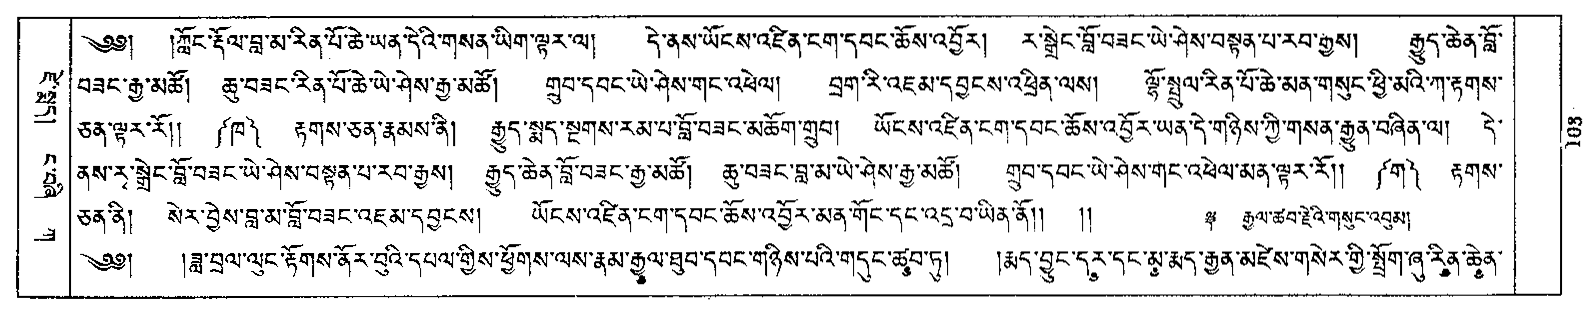༄༅། །ཀློང་རྡོལ་བླ་མ་རིན་པོ་ཆེ་ཡན་དེའི་གསན་ཡིག་ལྟར་ལ། དེ་ནས་ཡོངས་འཛིན་ངག་དབང་ཆོས་འབྱོར། ར་སྒྲེང་བློ་བཟང་ཡེ་ཤེས་བསྟན་པ་རབ་རྒྱས། རྒྱུད་ཆེན་བློ་
བཟང་རྒྱ་མཚོ། ཆུ་བཟང་རིན་པོ་ཆེ་ཡེ་ཤེས་རྒྱ་མཚོ། གྲུབ་དབང་ཡེ་ཤེས་གང་འཕེལ། བྲག་རི་འཇམ་དབྱངས་འཕྲིན་ལས། ལྷོ་སྤྲུལ་རིན་པོ་ཆེ་མན་གསུང་ཕྱི་མའི་ཀ་རྟགས་
ཅན་ལྟར་རོ།། ཁ྄་རྟགས་ཅན་རྣམས་ནི། རྒྱུད་སྨད་སྔགས་རམ་པ་བློ་བཟང་མཆོག་གྲུབ། ཡོངས་འཛིན་ངག་དབང་ཆོས་འབྱོར་ཡན་དེ་གཉིས་ཀྱི་གསན་རྒྱུན་བཞིན་ལ། དེ་
ནས་རྭ་སྒྲེང་བློ་བཟང་ཡེ་ཤེས་བསྟན་པ་རབ་རྒྱས། རྒྱུད་ཆེན་བློ་བཟང་རྒྱ་མཚོ། ཆུ་བཟང་བླ་མ་ཡེ་ཤེས་རྒྱ་མཚོ། གྲུབ་དབང་ཡེ་ཤེས་གང་འཕེལ་མན་ལྟར་རོ།། ག྄་རྟགས་
ཅན་ནི། སེར་བྱེས་བླ་མ་བློ་བཟང་འཇམ་དབྱངས། ཡོངས་འཛིན་ངག་དབང་ཆོས་འབྱོར་མན་གོང་དང་འདྲ་བ་ཡིན་ནོ།། །། ༈ རྒྱལ་ཚབ་རྗེའི་གསུང་འབུམ།
༄༅། །ཟླ་བྲལ་ལུང་རྟོགས་ནོར་བུའི་དཔལ་གྱིས་ཕྱོགས་ལས་རྣམ་རྒྱལ་ཐུབ་དབང་གཉིས་པའི་གདུང་ཚབ་ཏུ། །རྨད་བྱུང་དར་དང་མ་རྨད་རྒྱན་མཛེས་གསེར་གྱི་སྤྲོག་ཞུ་རིན་ཆེན་